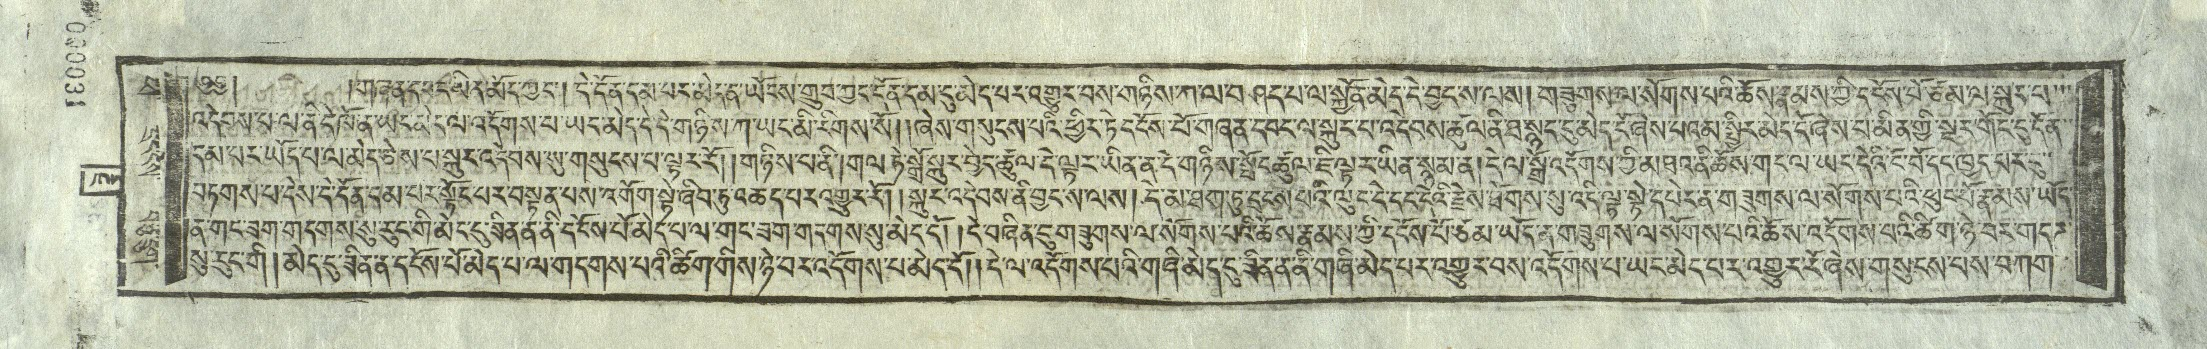༄༅། །གཞན་དབང་ཡིན་མོད་ཀྱང་། དེ་དོན་དམ་པར་མེད་ན་ཡོངས་གྲུབ་ཀྱང་དོན་དམ་དུ་མེད་པར་འགྱུར་བས་གཉིས་ཀ་ལ་བཤད་པ་ལ་སྐྱོན་མེད་དེ་བྱང་ས་ལས། གཟུགས་ལ་སོགས་པའི་ཆོས་རྣམས་ཀྱི་དངོས་པོ་ཙམ་ལ་སྐུར་པ་
འདེབས་པ་ལ་ནི་དེ་ཁོ་ན་ཡང་མེད་ལ་འདོགས་པ་ཡང་མེད་དེ་དེ་གཉིས་ཀ་ཡང་མི་རིགས་སོ། །ཞེས་གསུངས་པའི་ཕྱིར་ཏེ་དངོས་པོ་གཞན་དབང་ལ་སྐུར་པ་འདེབས་ཚུལ་ནི་ཐ་སྙད་དུ་མེད་དོ་ཞེས་པའམ་སྤྱིར་མེད་དོ་ཞེས་པ་མིན་གྱི་སྔར་གོང་དུ་དོན་
དམ་པར་ཡོད་པ་ལ་མེད་ཅེས་པ་སྐུར་འདེབས་སུ་གསུངས་པ་ལྟར་རོ། །གཉིས་པ་ནི། གལ་ཏེ་སྒྲོ་སྐུར་བྱེད་ཚུལ་དེ་ལྟར་ཡིན་ན་དེ་གཉིས་སྤོང་ཚུལ་ཇི་ལྟར་ཡིན་སྙམ་ན། དེ་ལ་སྒྲོ་འདོགས་ཀྱི་མཐའ་ནི་ཆོས་གང་ལ་ཡང་དེའི་ངོ་བོ་དང་ཁྱད་པར་དུ་
བཏགས་པ་དེས་དེ་དོན་དམ་པར་སྟོང་པར་བསྟན་པས་འགོག་སྟེ་ཞིབ་ཏུ་འཆད་པར་འགྱུར་རོ། །སྐུར་འདེབས་ནི་བྱང་ས་ལས། དེ་མ་ཐག་ཏུ་དྲངས་པའི་ལུང་དེ་དང་དེའི་རྗེས་ཐོགས་སུ་འདི་ལྟ་སྟེ་དཔེར་ན་གཟུགས་ལ་སོགས་པའི་ཕུང་པོ་རྣམས་ཡོད་
ན་གང་ཟག་གདགས་སུ་རུང་གི་མེད་དུ་ཟིན་ན་ནི་དངོས་པོ་མེད་པ་ལ་གང་ཟག་གདགས་སུ་མེད་དོ། །དེ་བཞིན་དུ་གཟུགས་ལ་སོགས་པའི་ཆོས་རྣམས་ཀྱི་དངོས་པོ་ཙམ་ཡོད་ན་གཟུགས་ལ་སོགས་པའི་ཆོས་འདོགས་པའི་ཚིག་ཉེ་བར་གདགས་
སུ་རུང་གི། མེད་དུ་ཟིན་ན་དངོས་པོ་མེད་པ་ལ་གདགས་པའི་ཚིག་གིས་ཉེ་བར་འདོགས་པ་མེད་དོ། །དེ་ལ་འདོགས་པའི་གཞི་མེད་དུ་ཟིན་ན་ནི་གཞི་མེད་པར་འགྱུར་བས་འདོགས་པ་ཡང་མེད་པར་འགྱུར་རོ་ཞེས་གསུངས་པས་བཀག་